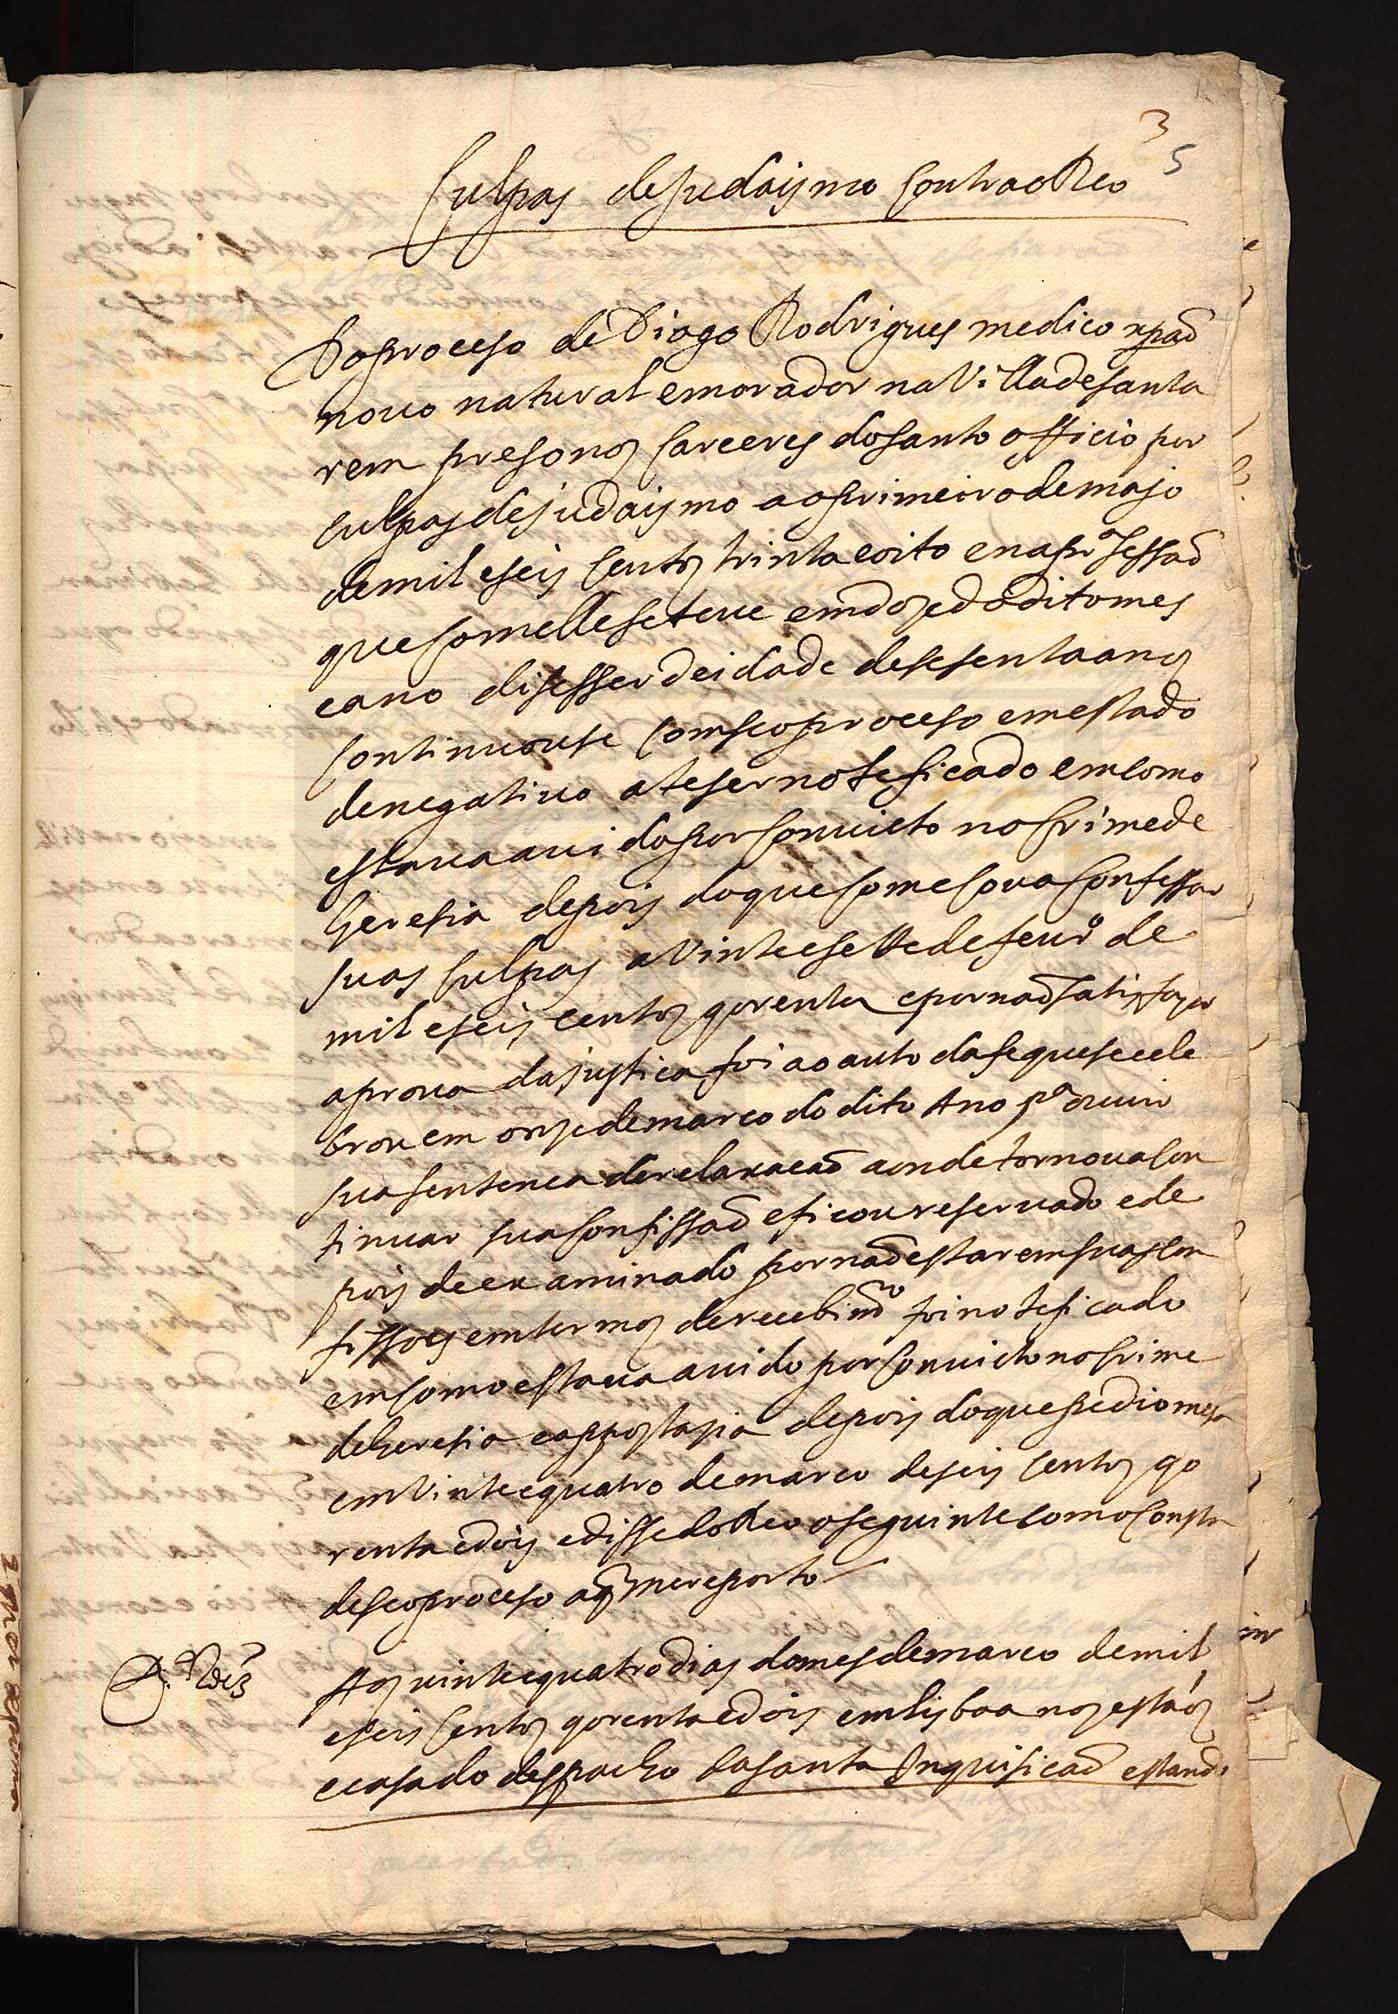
Culpas de Judajsmo Contra o Reo
Do proceso de Diogo Rodrigues medico xpão
nouo natural e morador na Villa de santa
rem preso noz Carceres do santo officio por
culpas de judajsmo ao primeiro de majo
de mil e seiscentoz trinta e oito e na pra sessaõ
que Com elle se teue em doze do dito mes
e ano dise sser de idade de sesenta anoz
Continuouse com seo proceso em estado
de negatiuo ate ser noteficado em como
estaua auido por Conuicto no Crime de
heresia depois do que ComeCou a Confessar
suas Culpas a vinte e sette de feuro de
mil e seiscentoz qorenta e por naõ satisfazer
a proua da justica foi ao auto da fe que se cele
brou em onze de marco do dito Ano par ouuir
sua sentenca de relaxacaõ aonde tornou a con
tinuar sua Confissaõ e ficou reseruado e de
pois de examinado por não estarem suas con
fissoes em termoz de recebimto foi noteficado
em Como estaua auido por Conuicto no Crime
de heresia e appoztazia depois do que pedio mesa
em vinte e quatro de marco de seiscentoz qo
renta e dois e disse do Reo o seguinte como Consta
de seo proceso a q̄ me reporto —
Aoz uinte e quatro dias do mes de marco de mil
e seisCentoz qorenta e dois em lisboa noz estáoz
e casa do despacho da santa Jnquisicão estando
